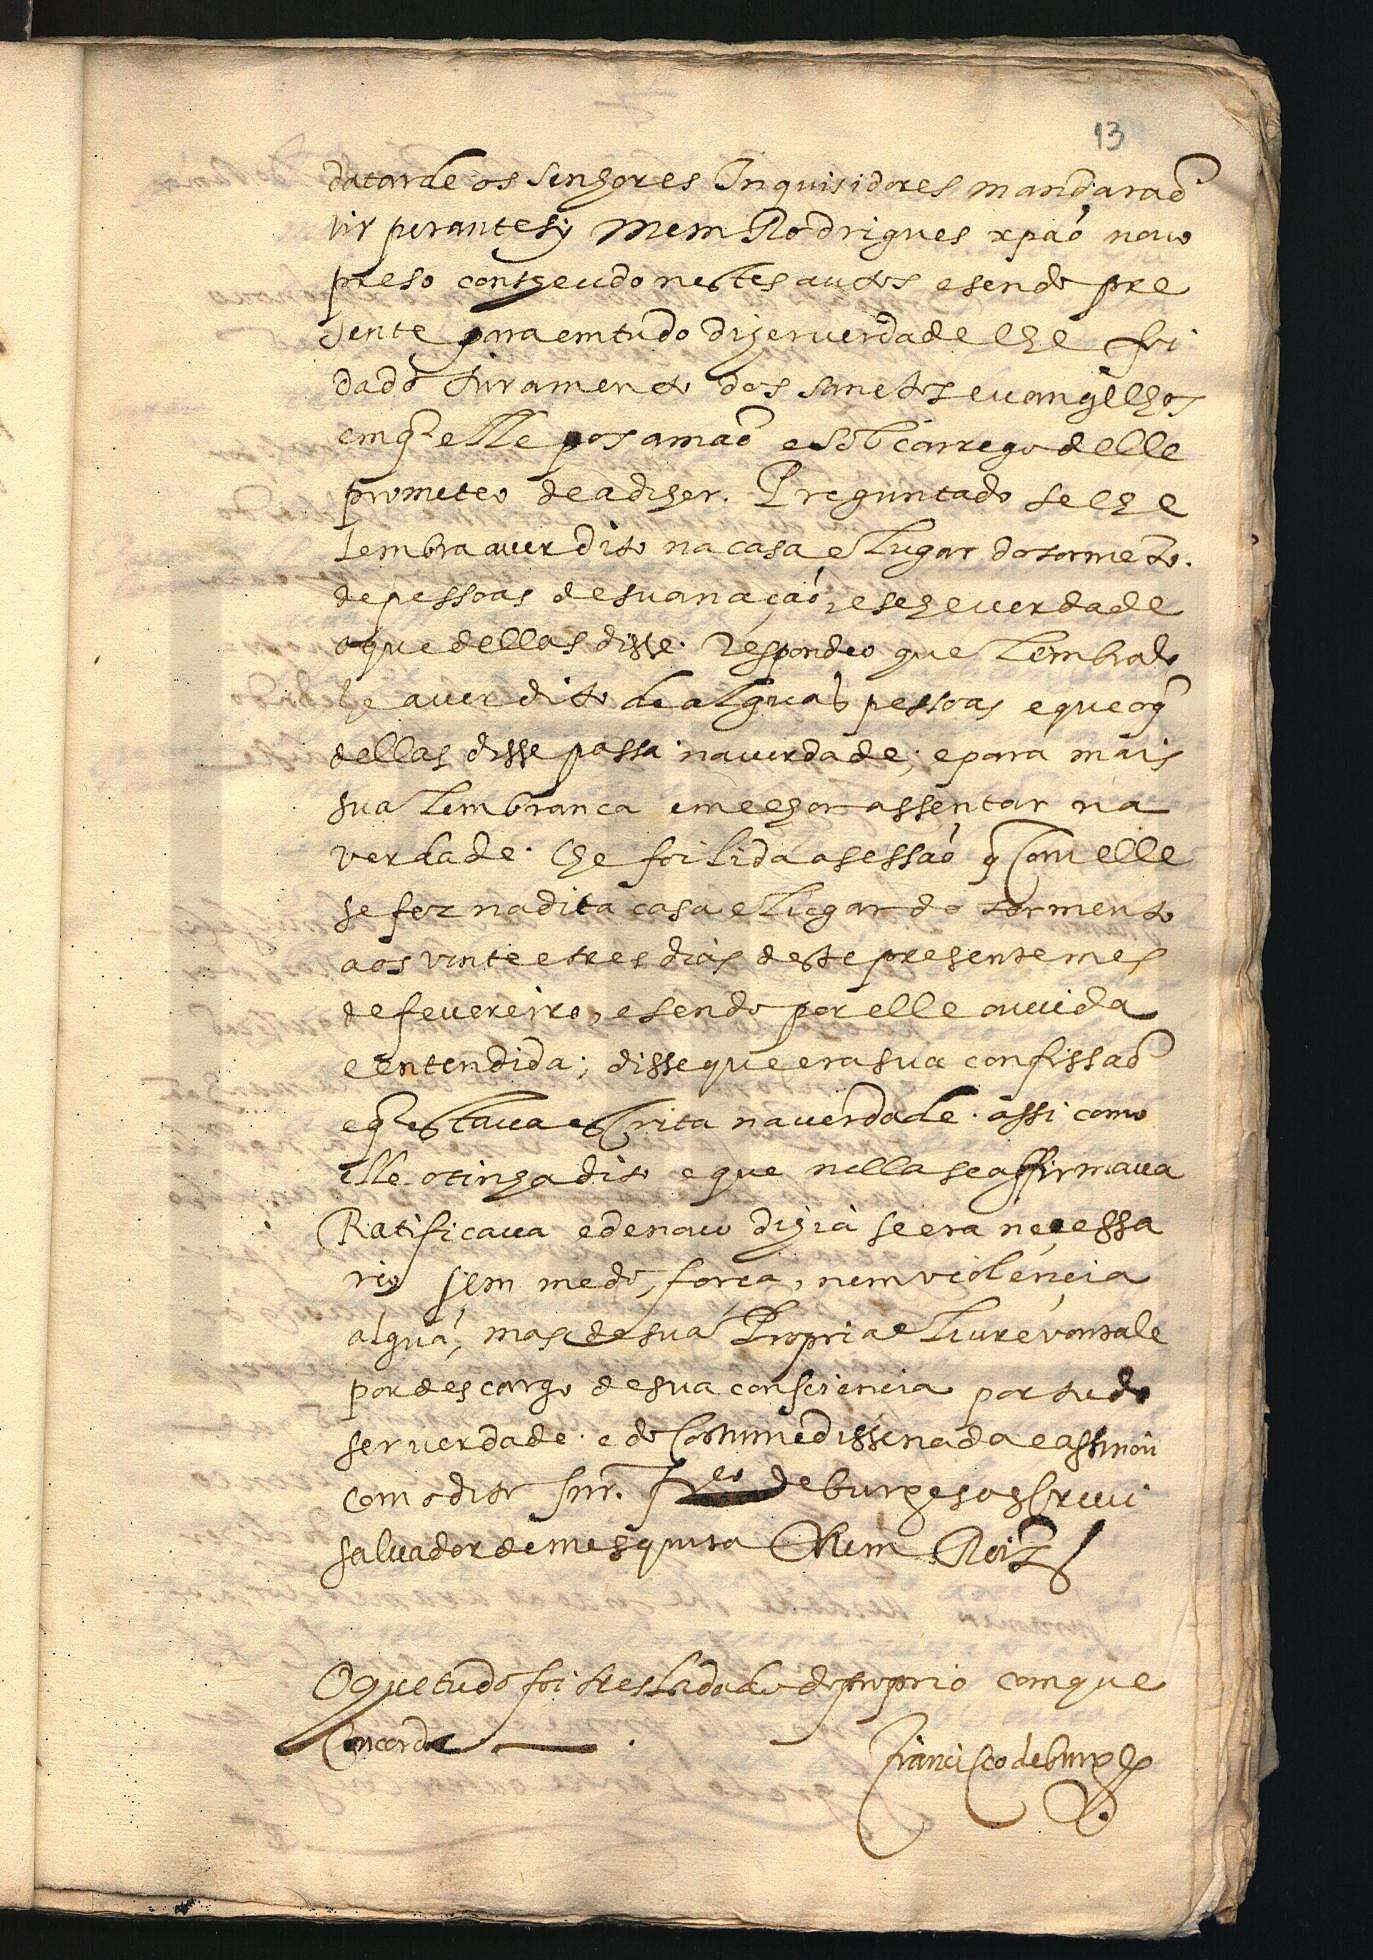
da tarde os senhores Inquisidores mandaraõ
vir perante sy mem Rodrigues xpaõ nouo
preso contheudo nestes autos e sendo pre
sente para em tudo dizer uerdade lhe foi
dado Iuramento dos sanctos euangelhos
em q̄ elle pos a maõ e sob carrego delle
prometeo de a dizer. Preguntado se lhe
lembra auer dito na casa e Lugar do tormēto
de pessoas de sua nação e se he uerdade
o que dellas disse. Respondeo que lembrado
he auer dito de alguas̄ pessoas e que o q̄
dellas disse passa na uerdade; e para mais
sua Lembrança e melhor assentar na
verdade lhe foi lida a sessaõ q̄ Com elle
se fez na dita casa e Lugar de tormento
aos vinte e tres dias deste presente mes
de feuereiro, e sendo por elle ouuida
e entendida; disse que era sua confissaõ
e q̄ estaua esCrita na uerdade assi como
elle o tinha dito o que nella se affirmaua
Ratificaua e de nouo dizia se era necessa
rio sem medo, força, nem violencia
alguā, mas de sua Propria e Liure vontade
por descargo de sua consciencia por tudo
ser uerdade e do Costume disse nada e assinou
com o dito Snr̄ frco de burges o esCreui
saluador de mesquita Mem Roiz̄
O que tudo foi tresladado do proprio com que
Concorda
